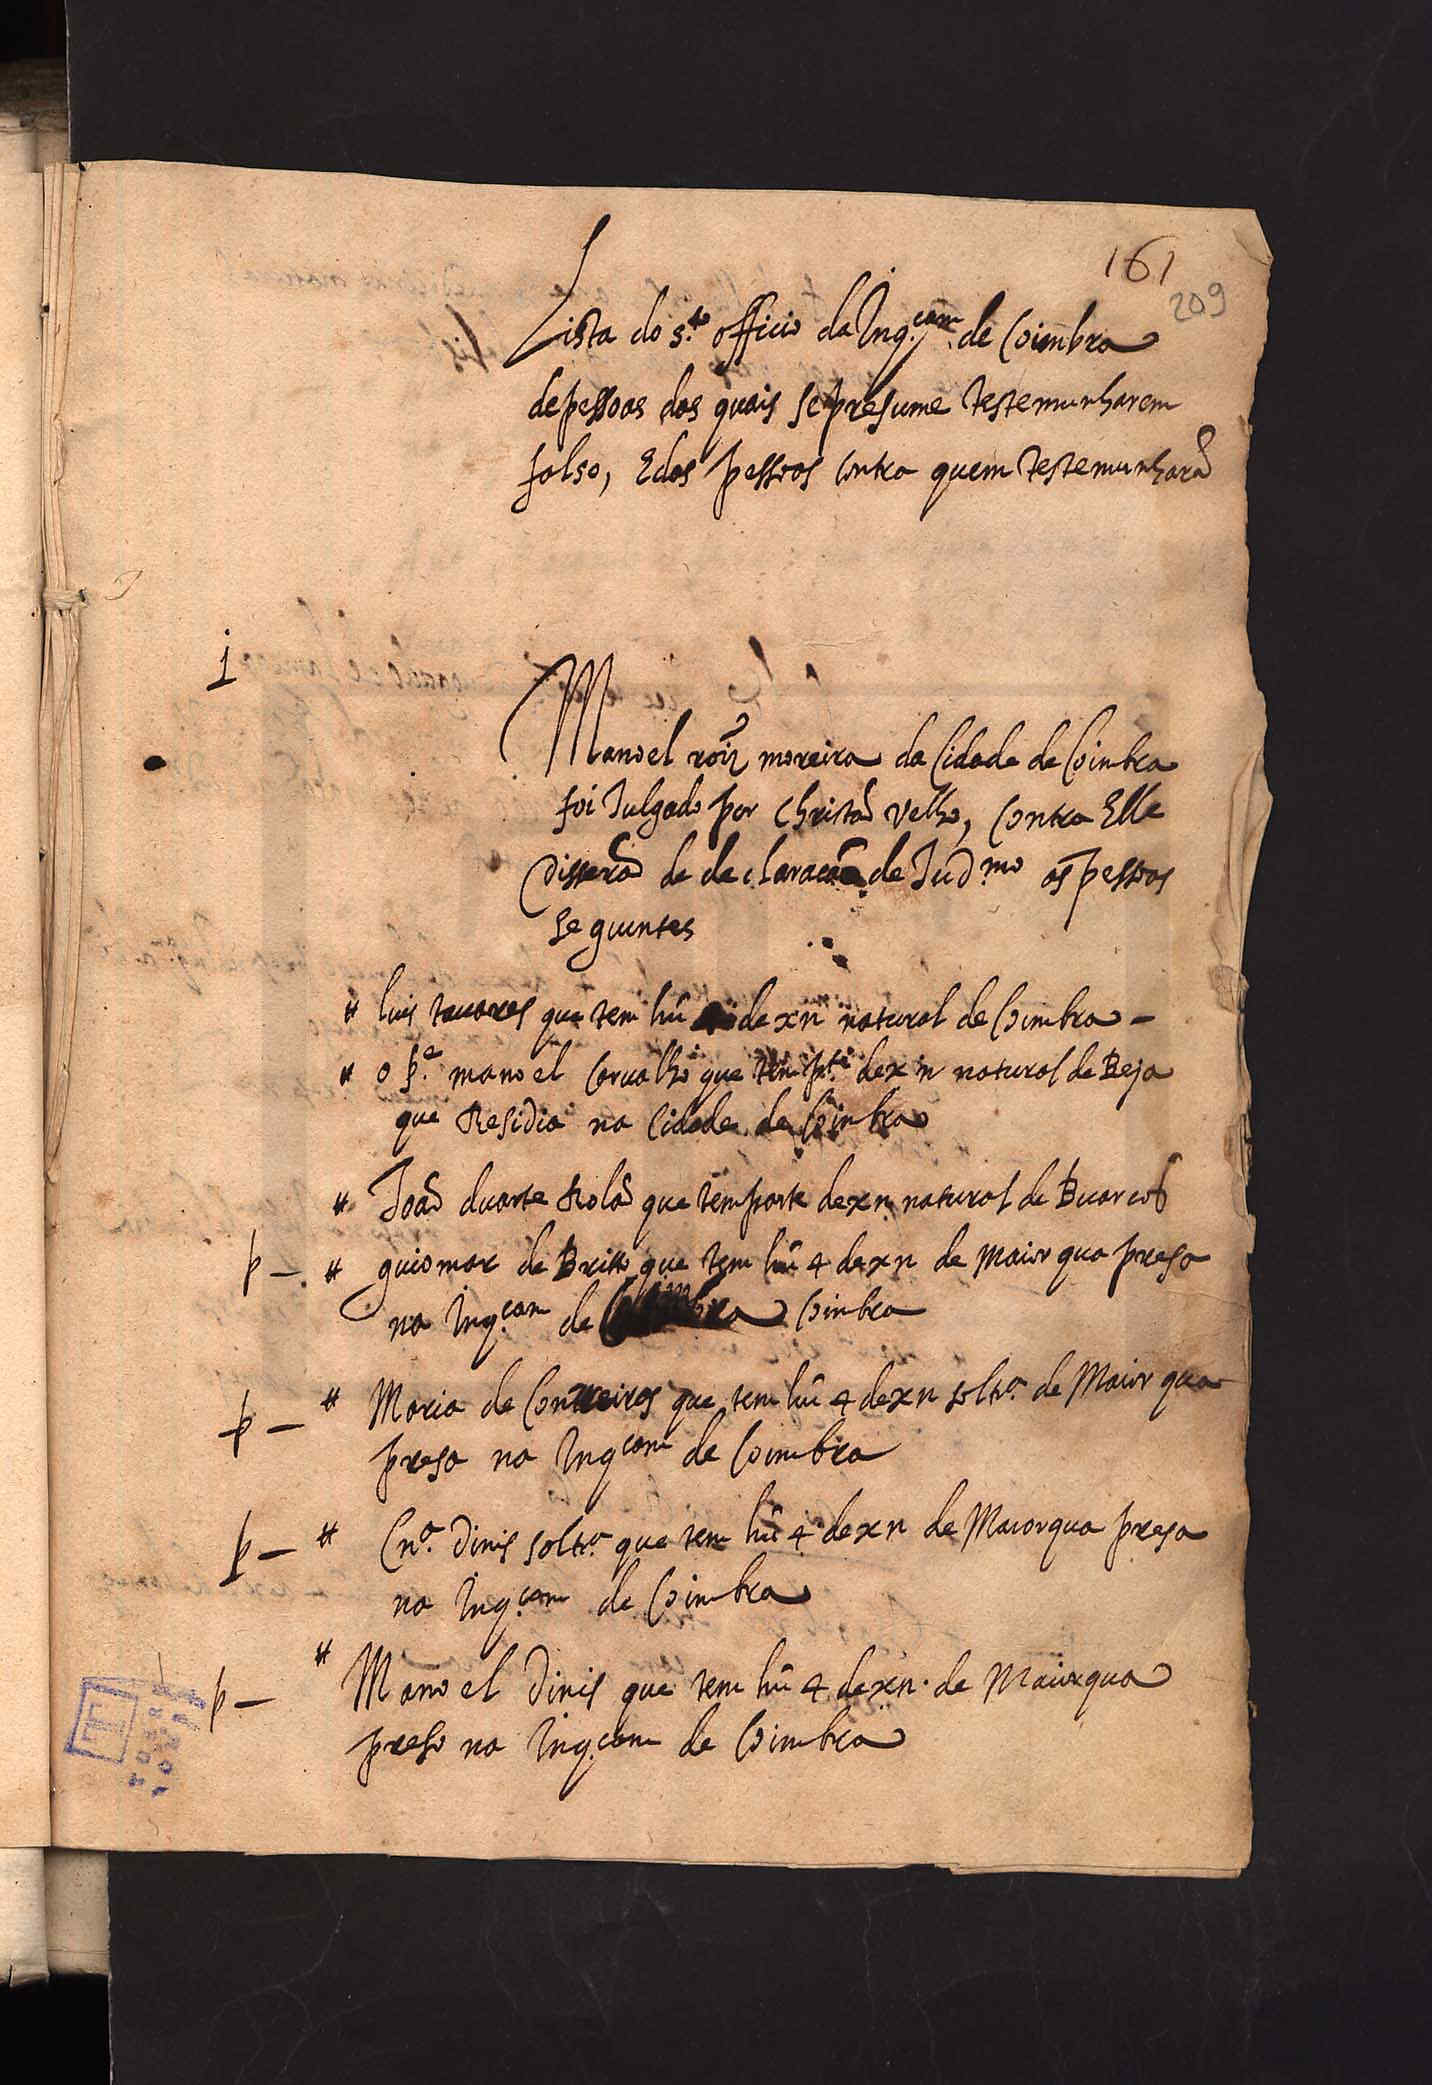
Lista do s.to officio da Inq.cam de Coimbra
de pessoas das quais se presume testemunharem
falso, E das pessoas contra quem testemunharão
Manoel roīz moreira da Cidade de Coimbra
foi Iulgado por Christaõ Velho, Contra Elle
disserão da declaracão de Iud.mo as pessoas
seguintes
Luis tauares que tem hū _ de xn natural de Coimbra
o p.e manoel Carualho que tem p.te de xn natural de Beja
que Residia na Cidade de Coimbra
Ioão duarte Rolaõ que tem parte de xn natural de Buarcos
guiomar de Britto que tem hū 4 de xn de Maiorqua presa
na Inq.cam de _ Coimbra
Maria de Contreiras que tem hū 4 de xn soltr.a de Maiorqua
presa na Inqcam de Coimbra
Cn.a dinis soltr.a que tem hū 4 de xn de Maiorqua presa
na Inq.cam de Coimbra
Manoel dinis que tem hū 4 de xn de Maiorqua
preso na Inq.cam de Coimbra
